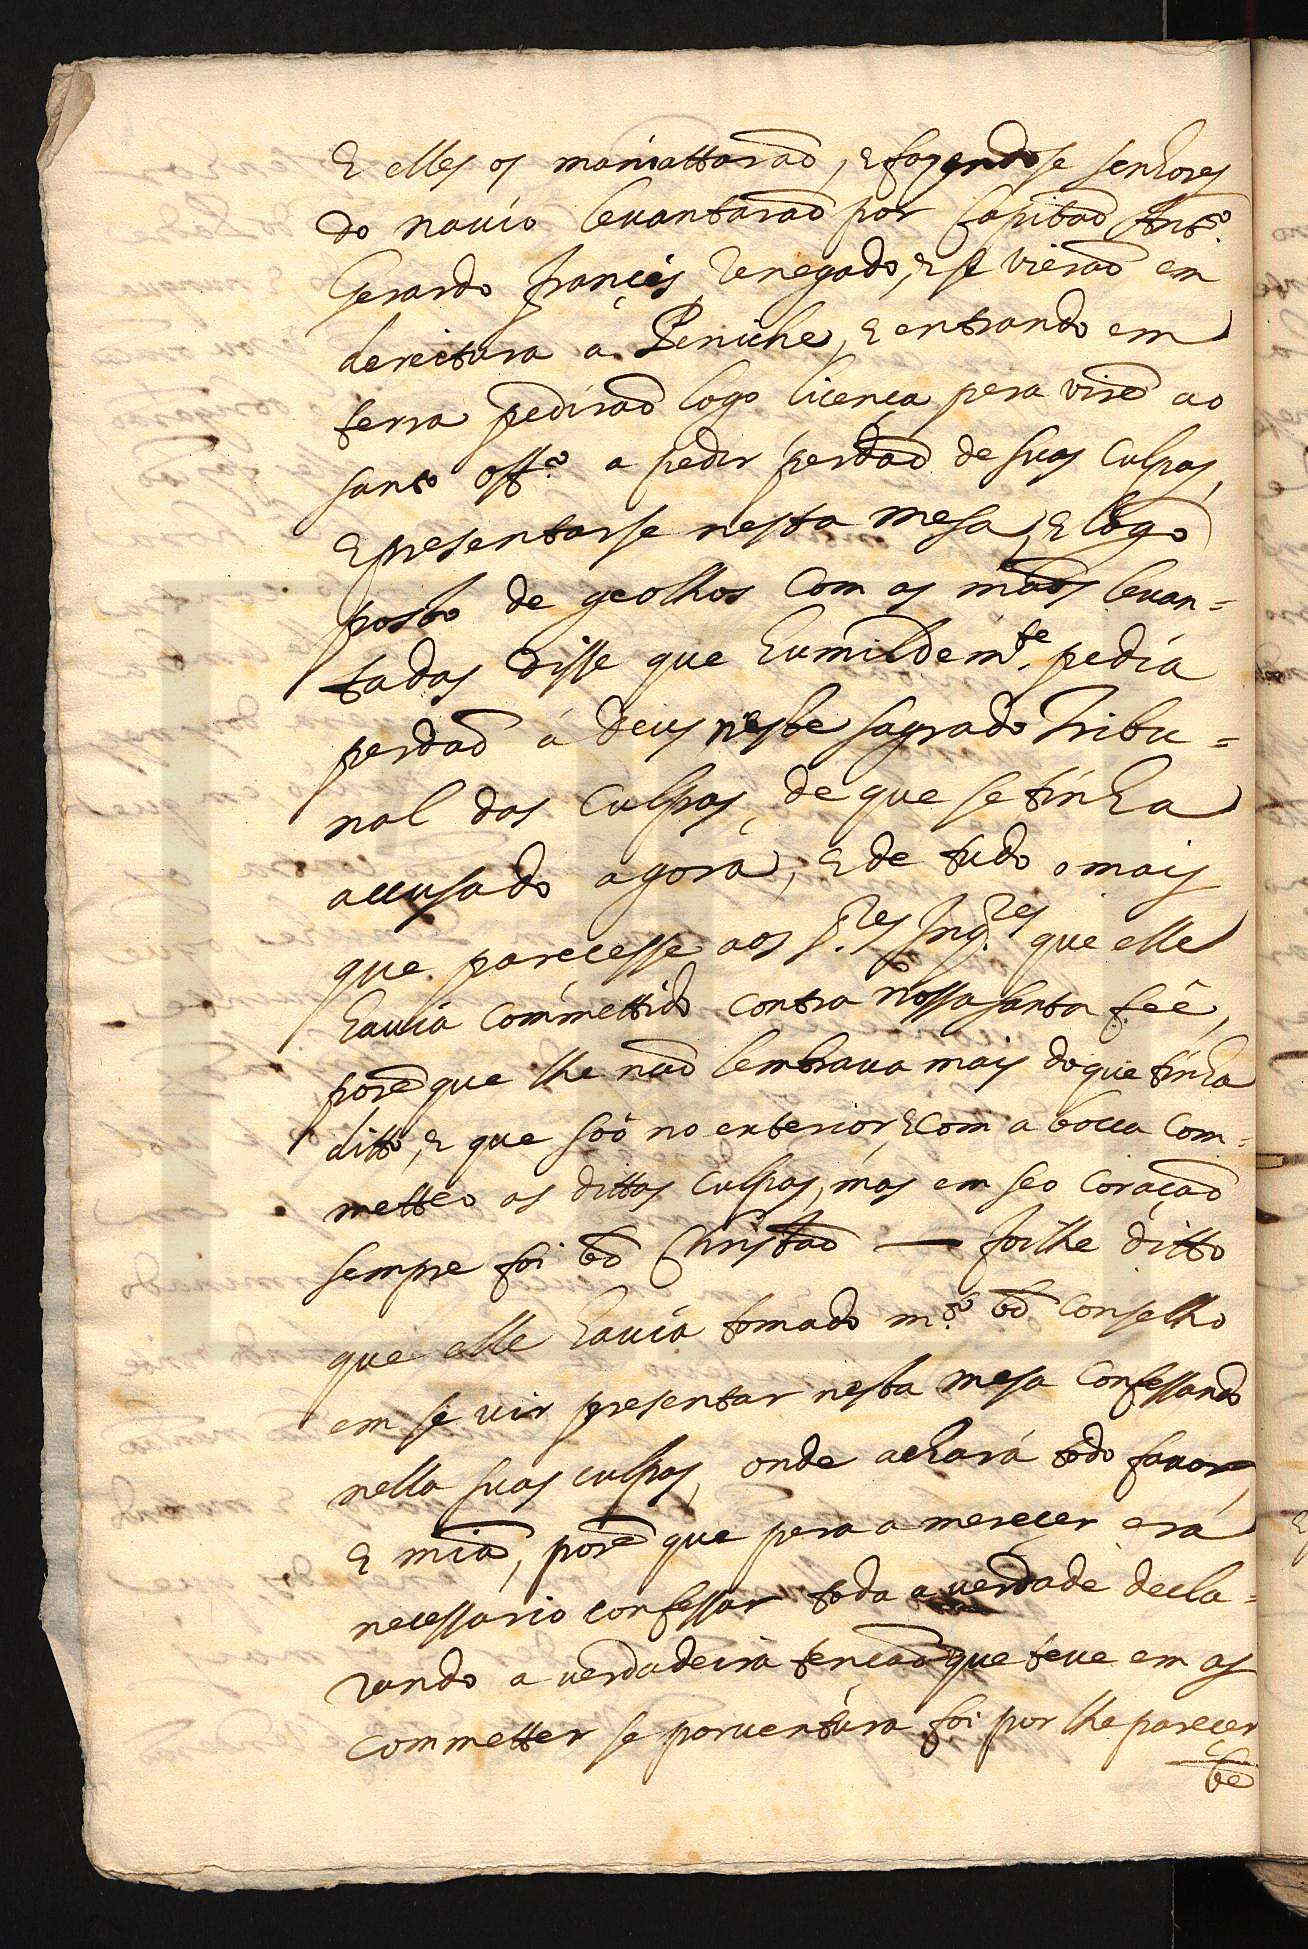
E elles os maniattarão, E fazendose senhores
do nauio leuantarão por Capitão, Ant.o
Gerardo frances Renegado, E se vierão em
dereitura a Peniche, E entrando em
terra pedirão logo licença pera virē ao
santo off.o a pedir perdaõ de suas culpas
E presentarse nesta mesa E logo
posto de geolhos com as mãos leuan
tadas disse que humildem.te pedia
perdaõ a Deus neste sagrado Tribu
nal das culpas de que se tinha
accusado agora, E de tudo o mais
que parecesse aos s.res Jnq.res que elle
hauia commettido contra nossa santa feé
porē que lhe não lembraua mais do que tinha
ditto, E que soó no exterior E com a bocca com
metteo as dittas culpas, mas em seo coração
sempre foi bō Christão - foilhe ditto
que elle hauia tomado m.to bō conselho
em se uir presentar nesta mesa confessando
nella suas culpas, onde achará todo fauor
E mīa, porē que pera a merecer era
necessario confessar toda a uerdade decla
rando a uerdadeira tençaõ que teue em as
commetter se poruentura foi por lhe parecer
bē
